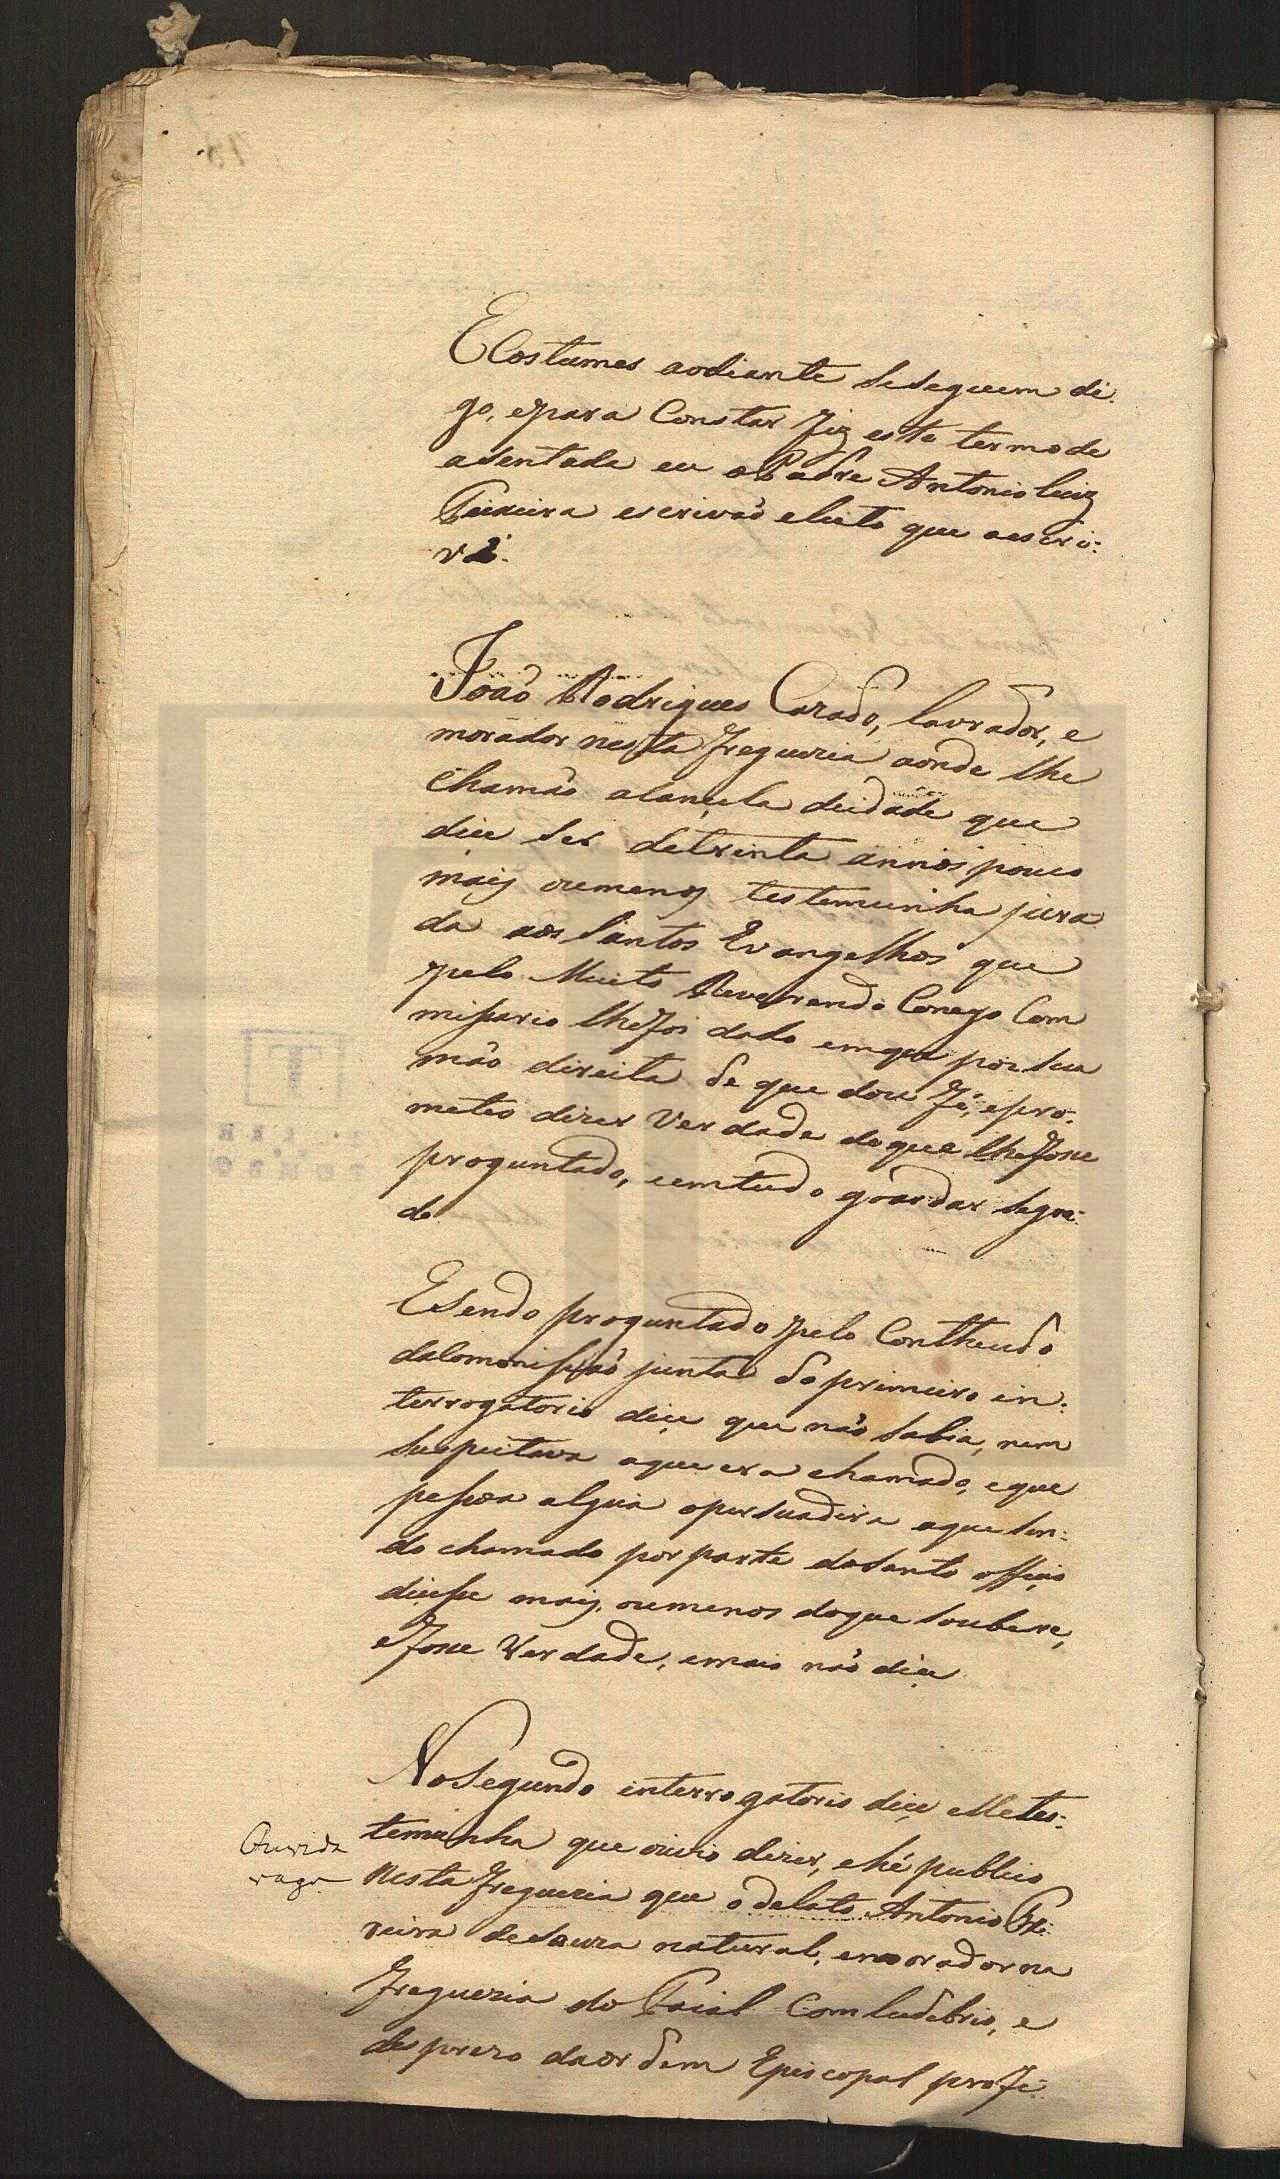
E Costumes ao diante se seguem di
go, e para Constar fiz este termo de
asentada eu o Padre Antonio luiz
Teixeira escrivaõ eleito que o escri
v_
Ioaõ Rodrigues Cazado, lavrador, e
morador nesta freguezia aonde lhe
chamão a Cançela de idade que
diçe Ser de trinta annos pouco
mais ou menos testemunha jura
da aos Santos Evangelhos que
pelo Muito Reverendo Conego Com
missario lhe foi dado em que poz Sua
mão direita de que dou fé, e pro
meteo dizer verdade do que lhe fosse
proguntado, e em tudo goardar Segre
do
E Sendo proguntado pelo Contheudo
da commissaõ junta do primeiro in
terrogatorio diçe que não Sabia, nem
Suspeitava a que era chamado, e que
pessoa algua o persuadira a que Sen
do chamado por parte do Santo offiçio
diçesse mais, ou menos do que Soubesse,
e fosse Verdade, e mais naõ diçe
No Segundo interrogatorio diçe elle tes
temunha que ouvio dizer, e hé publico
nesta freguezia que o delato Antonio Fr.
reira de souza natural, e morador na
freguezia do Faial Com ludebrio, e
desprezo da ordem Episcopal profe
